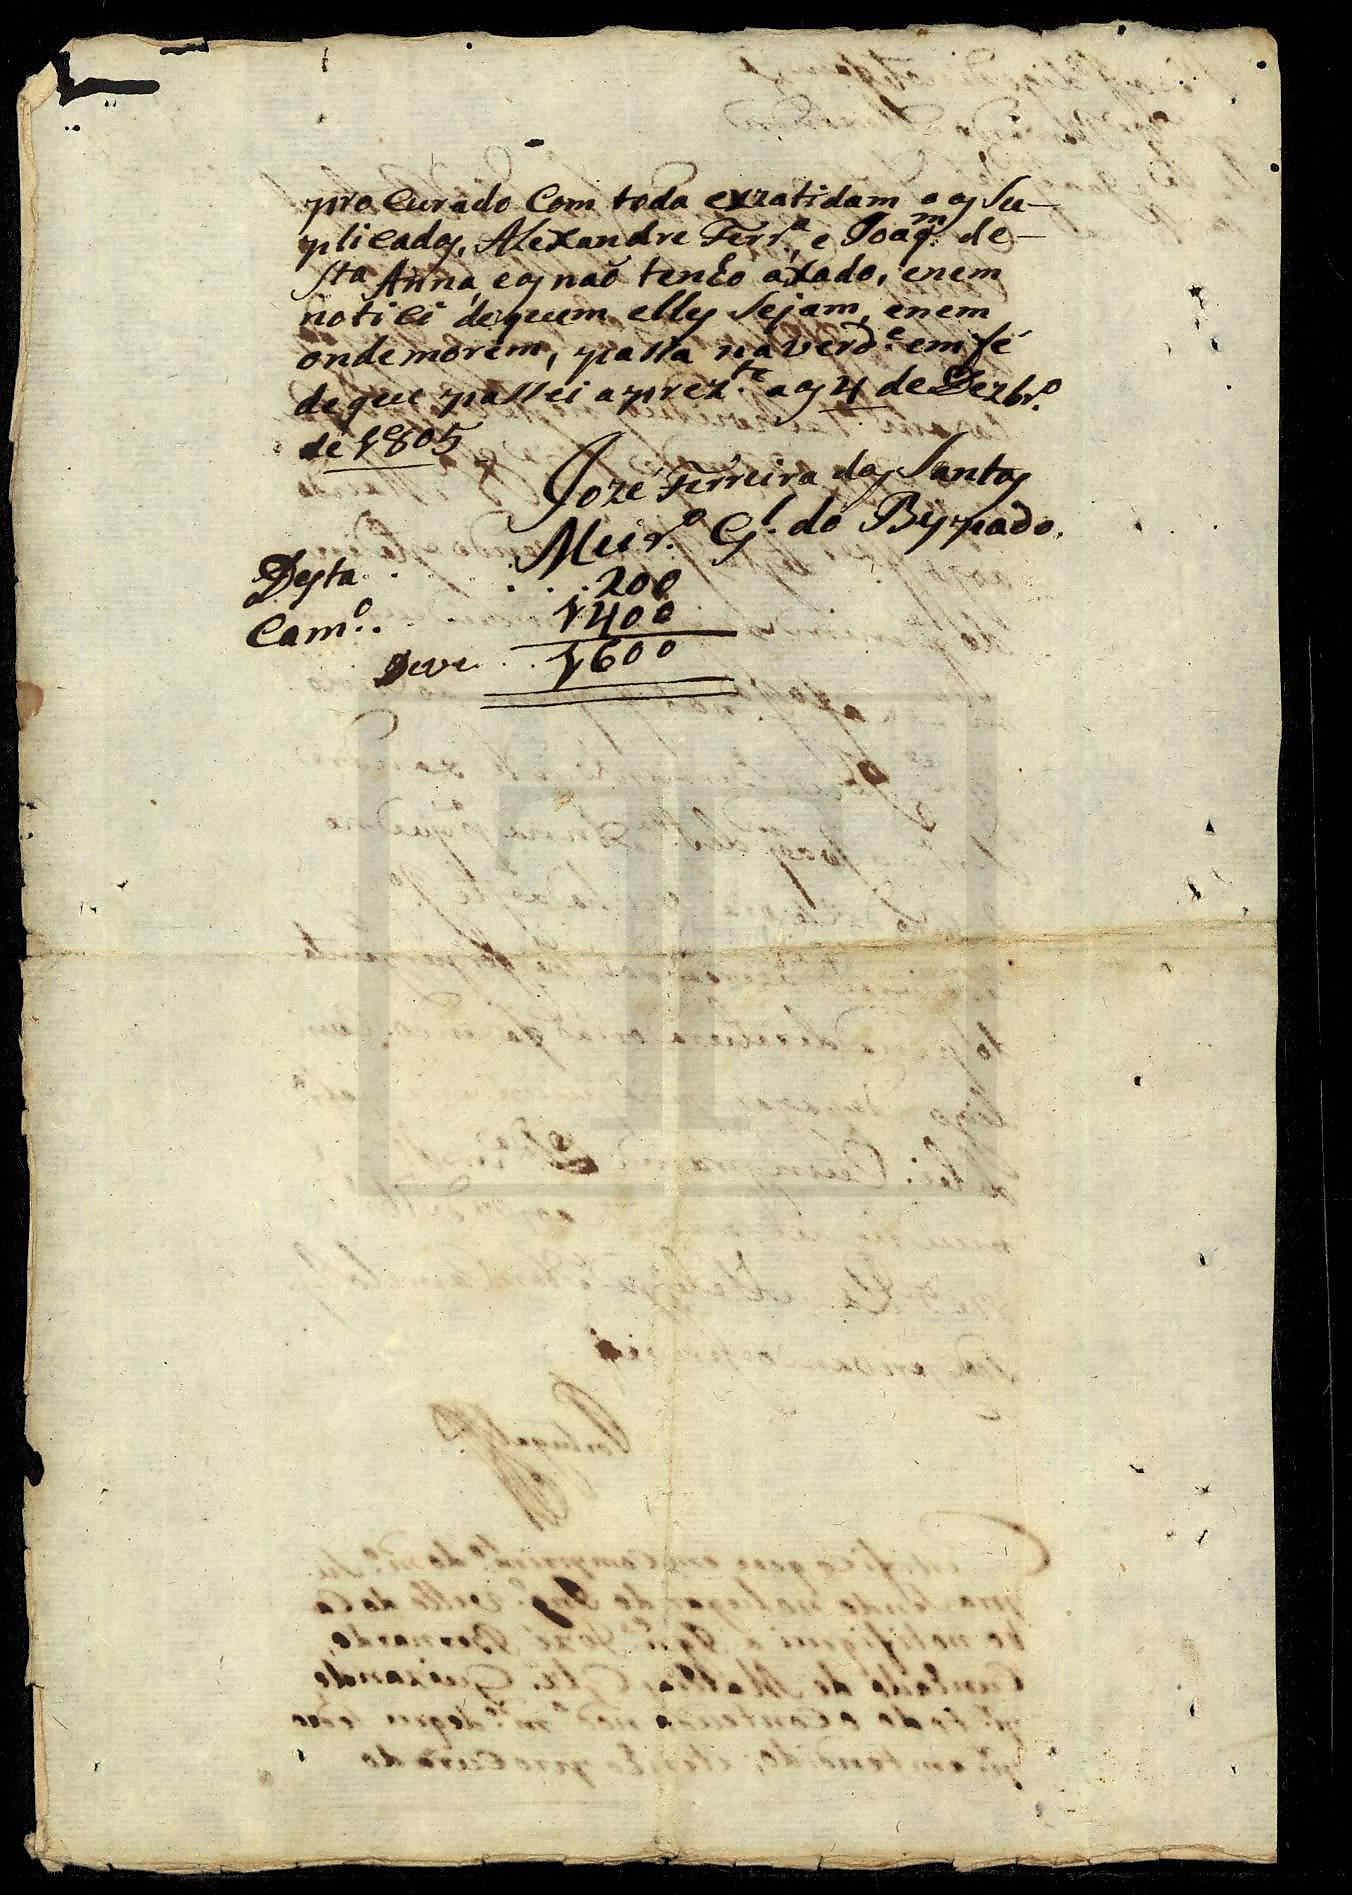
procurado com toda exzatidam e os Su
plicados, Alexandre Ferr.a e Joaq.m de
S.ta Anna e os que não tendo axado, e nem
notici de quem elles sejam, e nem
onde morem, passa se a verd.e em fé
de que passei a prez.te aos 4 de Dezbr.o
de 1805
Jozé Ferreira dos Santos
Meir.o G.l do Bispado
Desta 200
Cam.o 1400
Deve1600
